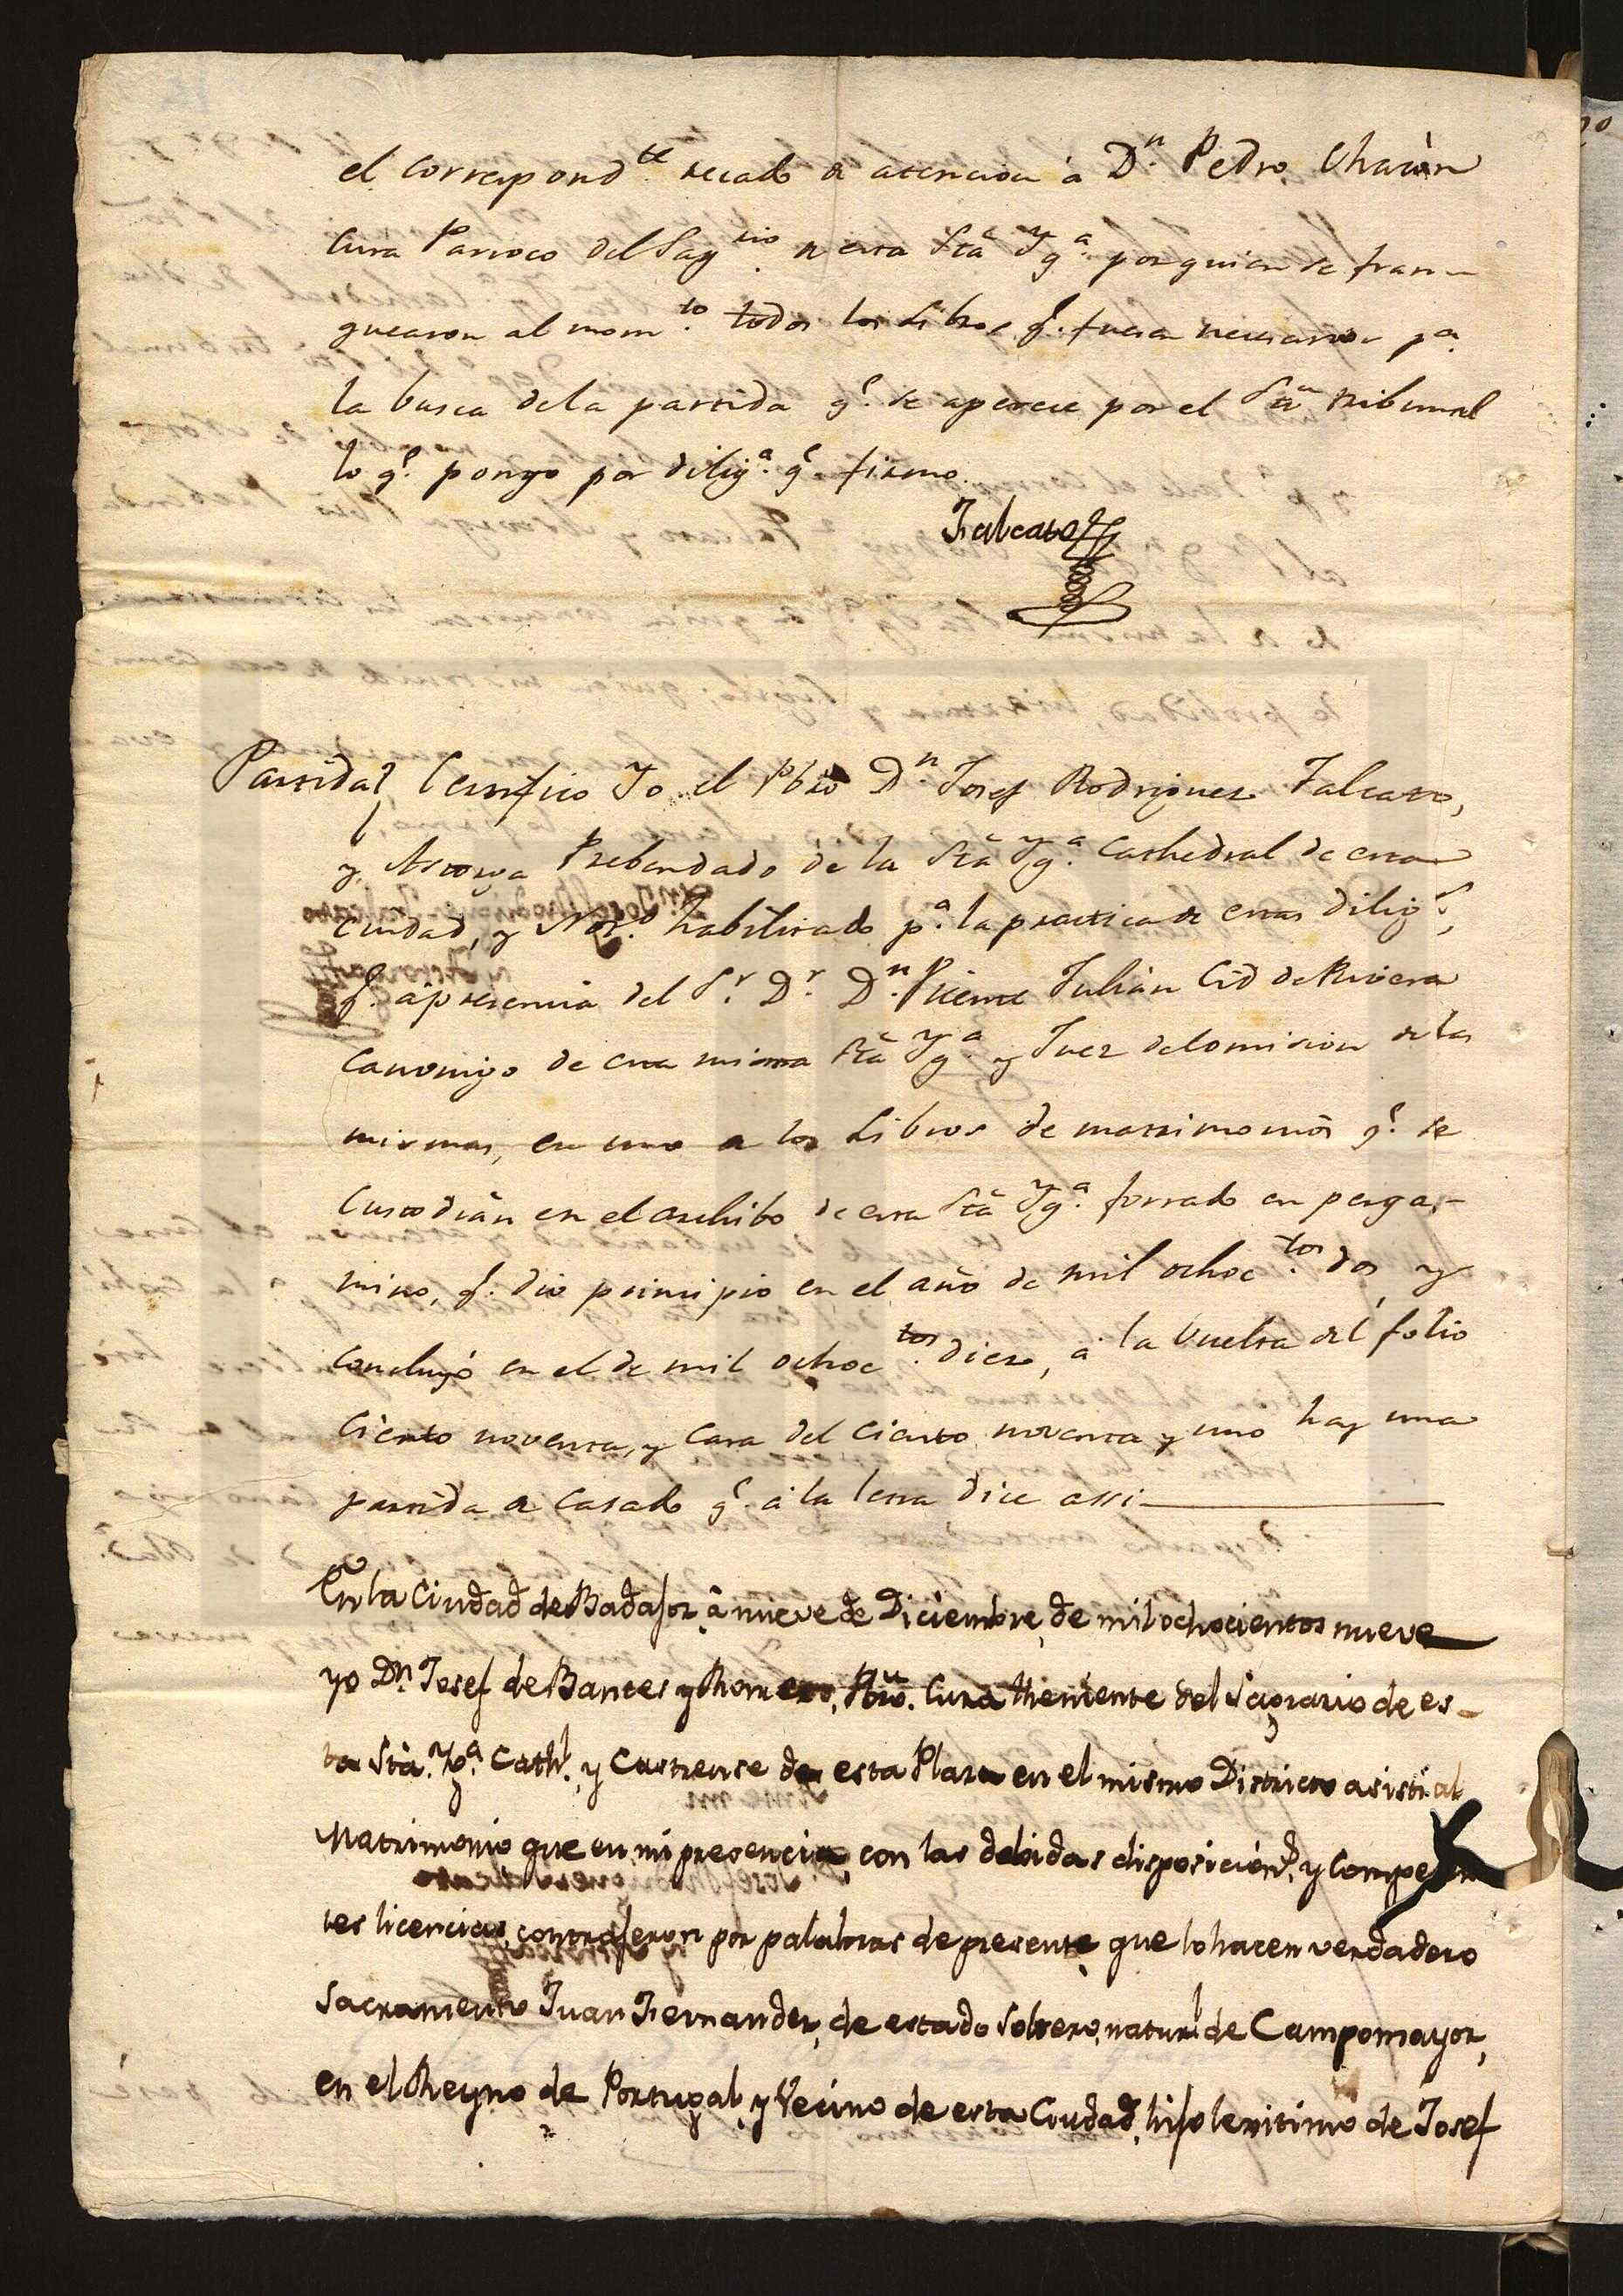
el correspond.te recado de atencion à D.n Pedro Chazón
Cura Parroco del Sag.rio nesta Stā Yg.a por quien se fran
quearon al mom.to todos los Libros q.e fueran necesarios p.a
la busca dela partida q.e se apercie por el Stō tribunal
lo q.e pongo por dilig.a q.e firmo
Falcato
Partida
Certifico Yo el Pbrō D.n Iosef Rodriguez Falcato,
y Astorga Prebendado de la Stā Yg.a Cathedral de esta
ciudad, y Not.o habilitado p.a la practica de estas dilig.s,
q.e a prezencia del S.r D.r D.n Vicente Iulian Cid de Rivera
Canonigo de esta misma Stā Yg.a y Iuez de comision de las
mismas, en como en los Libros de matrimonios q.e se
Custodian en el archibo de esta Stā Yg.a forrado en perga
mino, qe. dio principio en el año de mil ochoc.tos dos, y
concluyó en el de mil ochoc.tos diez, a la vuelta del folio
ciento noventa, y cara del ciento noventa y uno hay una
partida de casado qe. a la letra dice assi
En la ciudad de Badajoz, á nueve de Diciembre, de mil ochocientos nueve
yo D.n Iosef de Bantes y Romero, Pbrō. Cura theniente del sagrario de es
ta Stā Yg.a Cathl. y Castrense de esta Plaza en el mismo Disticto asisti al
Matrimonio que en mi presencia, con las debidas disposicions, y compe
tes licencias, contrajeron por palabras de presente que lo hacen verdadero
sacramento Iuan Fernandez, de estado soltero, natural de Campo mayor,
en el Reyno de Portugal, y Vecino de esta Ciudad, hijo lexitimo de Iosef
